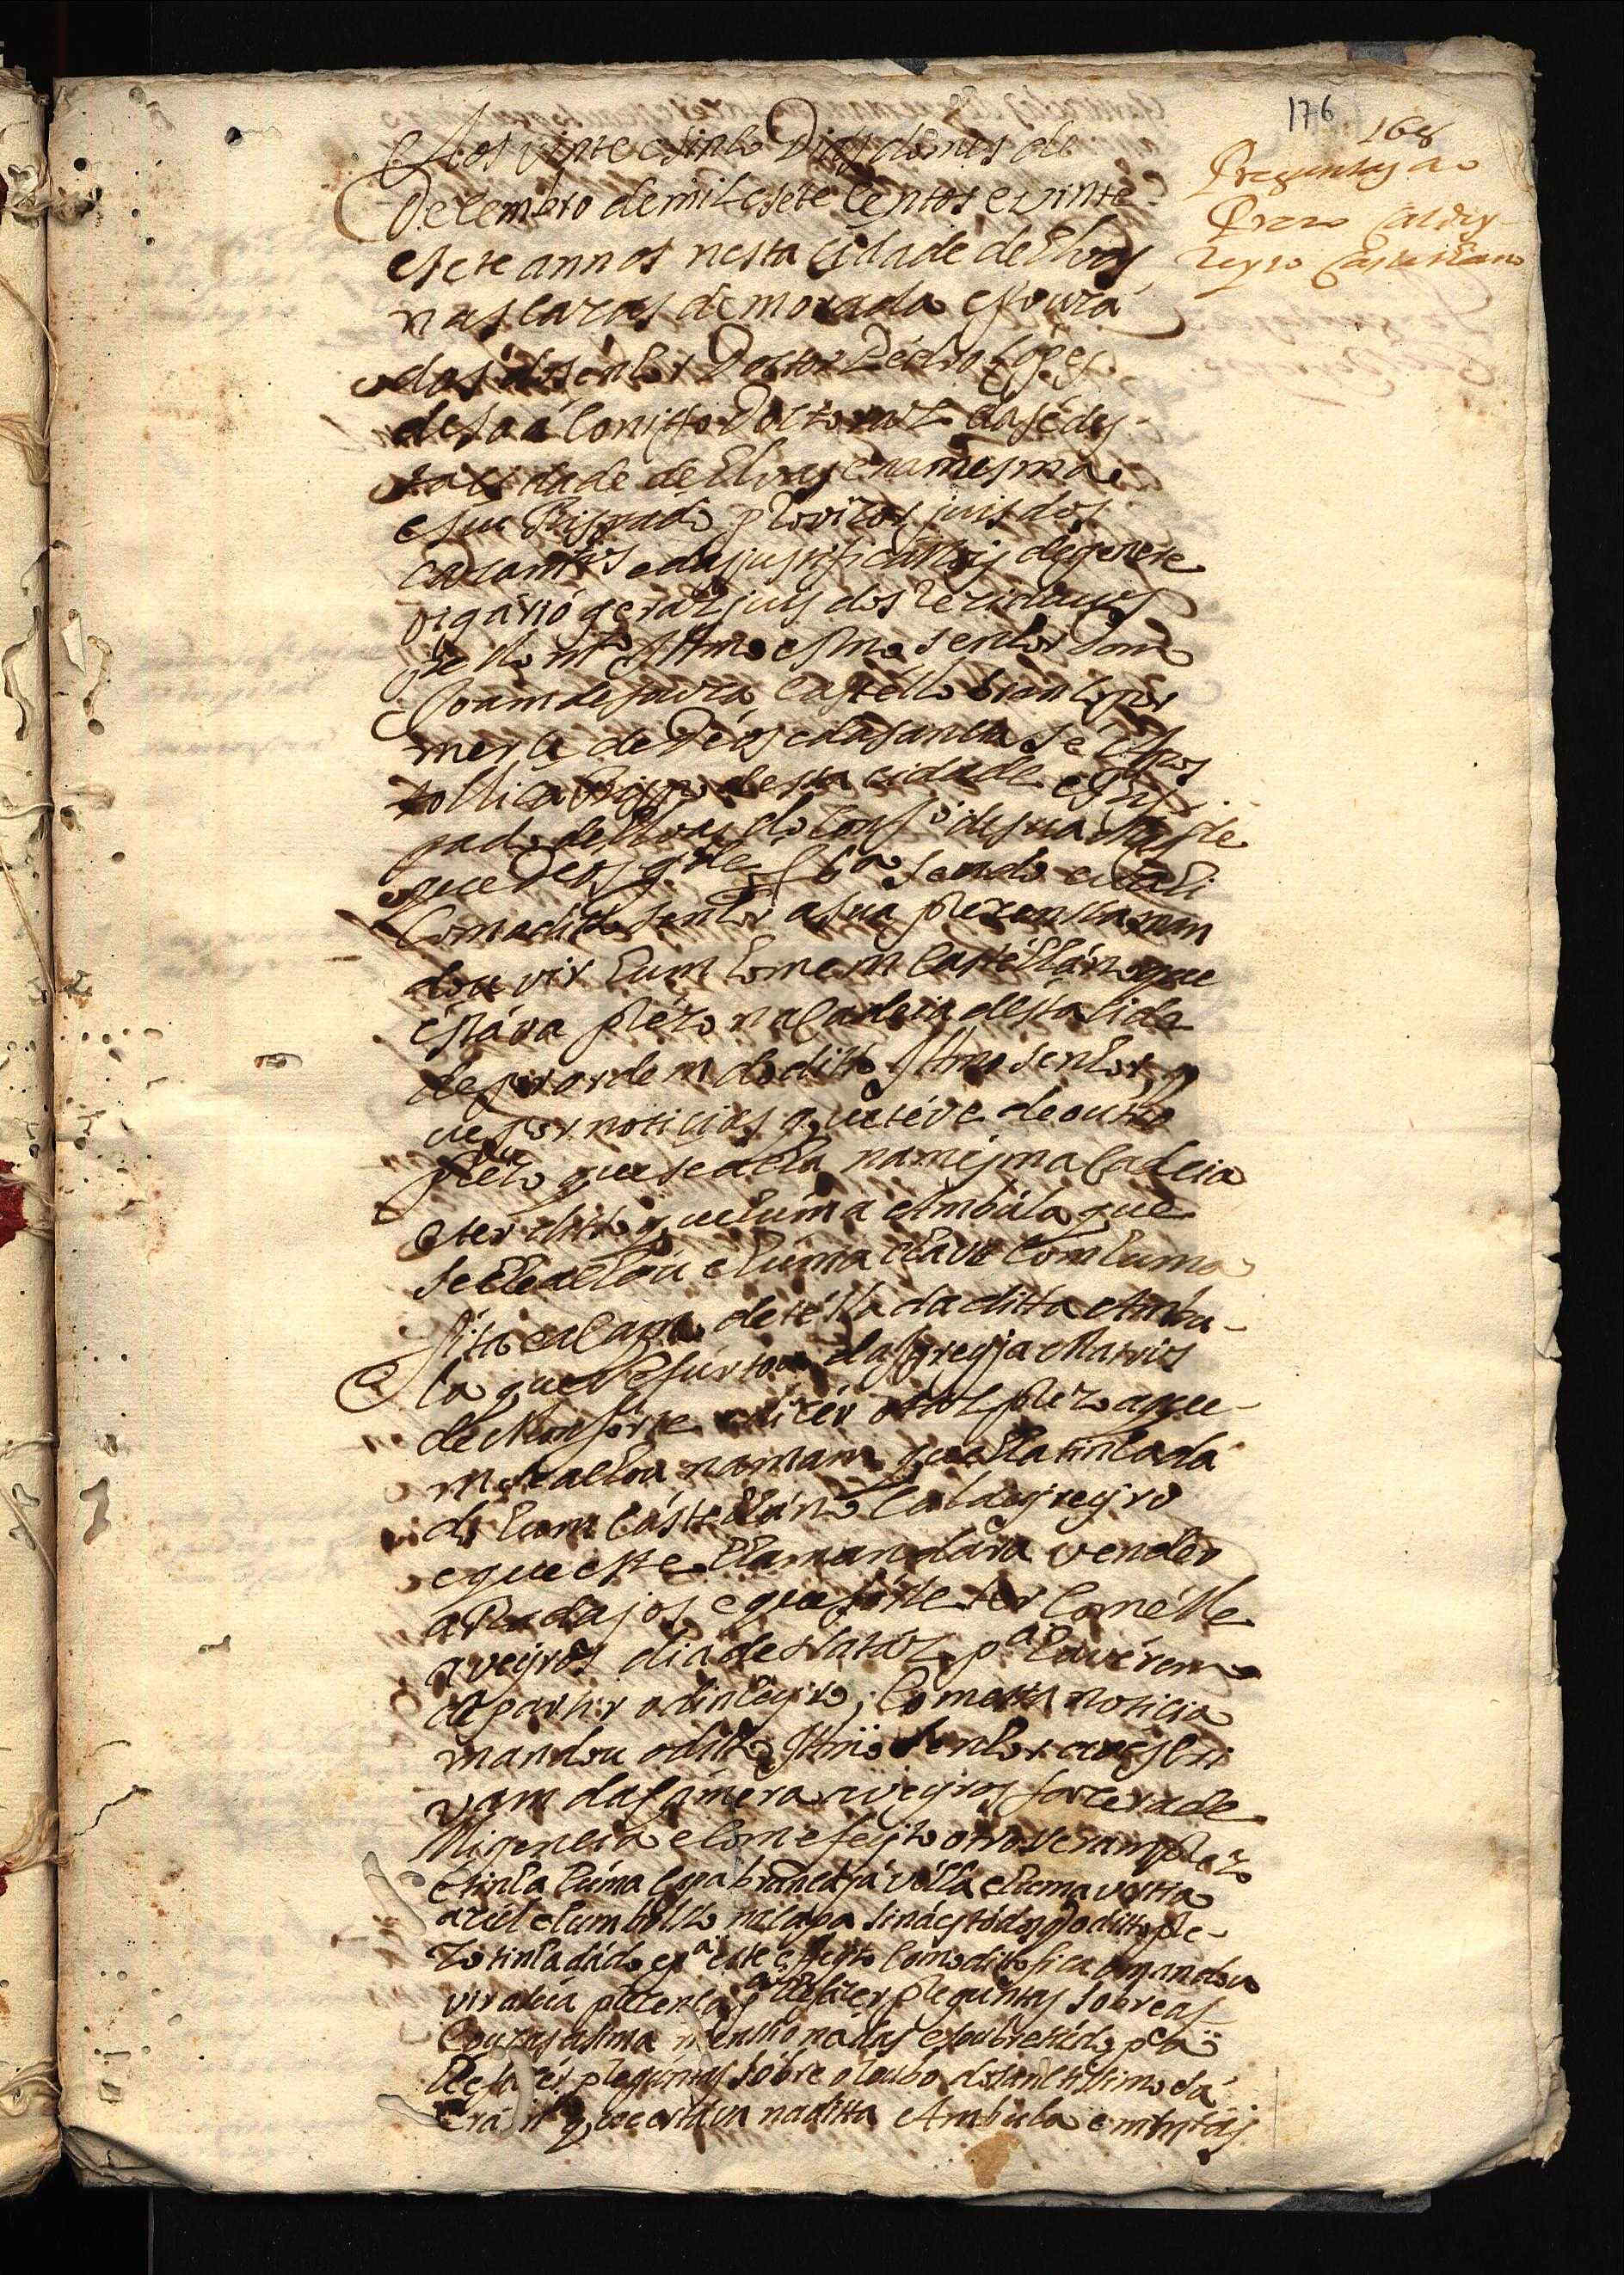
Aos vinte sinco Dias do mes de
Dezembro de mil e setecentos e vinte
e sete annos nesta cidade de Elvas,
nas cazas de morada e pouza
das do senhor Doctor Pedro Lopes
de saá conigo doctoral da sé des
ta cidade de Elvas e na mesma
e seu Bispado pRovizor juis dos
cazamtos e das justificassois de genere
vigario geral juis dos Reziduos
pello mto Jllmo e Rmo senhor Dom
Joam de souza castello branco por
merce de Deos e da sancta se Apos
tollica Bispo desta cidade e Bis
pado de Elvas do conso de sua Magde
que deos g.de &ra sendo eu ahi
Com o ditto senhor a sua prezenssa man
dou vir hum homem castelháno que
estáva prezo na Cadeia desta cida
de por ordem do ditto Jllmo senhor, q
cre por noticias que téve de outro
pRezo que se acha na mesma Cadeia
e ter ditto que huma Ambula que
se lhe achou e huma chave com huma
fita e acam de tella da ditta e Ambu
la que se furtou da Jgreyja Matris
de Monforte e dizer o tal prezo a que
m se achou na mam que lha tinha da
do hum castelhano Caldeyreyro
e que este lha mandara vender
a Badajos e que fosse ter com elle
a veyros dia de NataL p.a haverem
de partir o dinheyro; com esta noticia
mandou o ditto Jllmo Senhor ao escri
vam da Camera a veyros fazer a de
lligencia e com efeyto o trosseram pRezo
e tinha huma capa branca já velha e huma vestia
azul e hum bolsso na capa sináes todos q̄ o ditto pRe
zo tinha dádo e pa este effeyto como ditto fica o mandou
vir a sua prezença pa lhe fazer preguntas sobre as
couzas asima menssionadas e soubretudo pa
lhe fa_er preguntas sobre o Roubo do sanctissimo sa
cra_ que estava na ditta Ambula em mtas
168
Preguntas ao
Prezo Caldey
Reyro Castelhano
